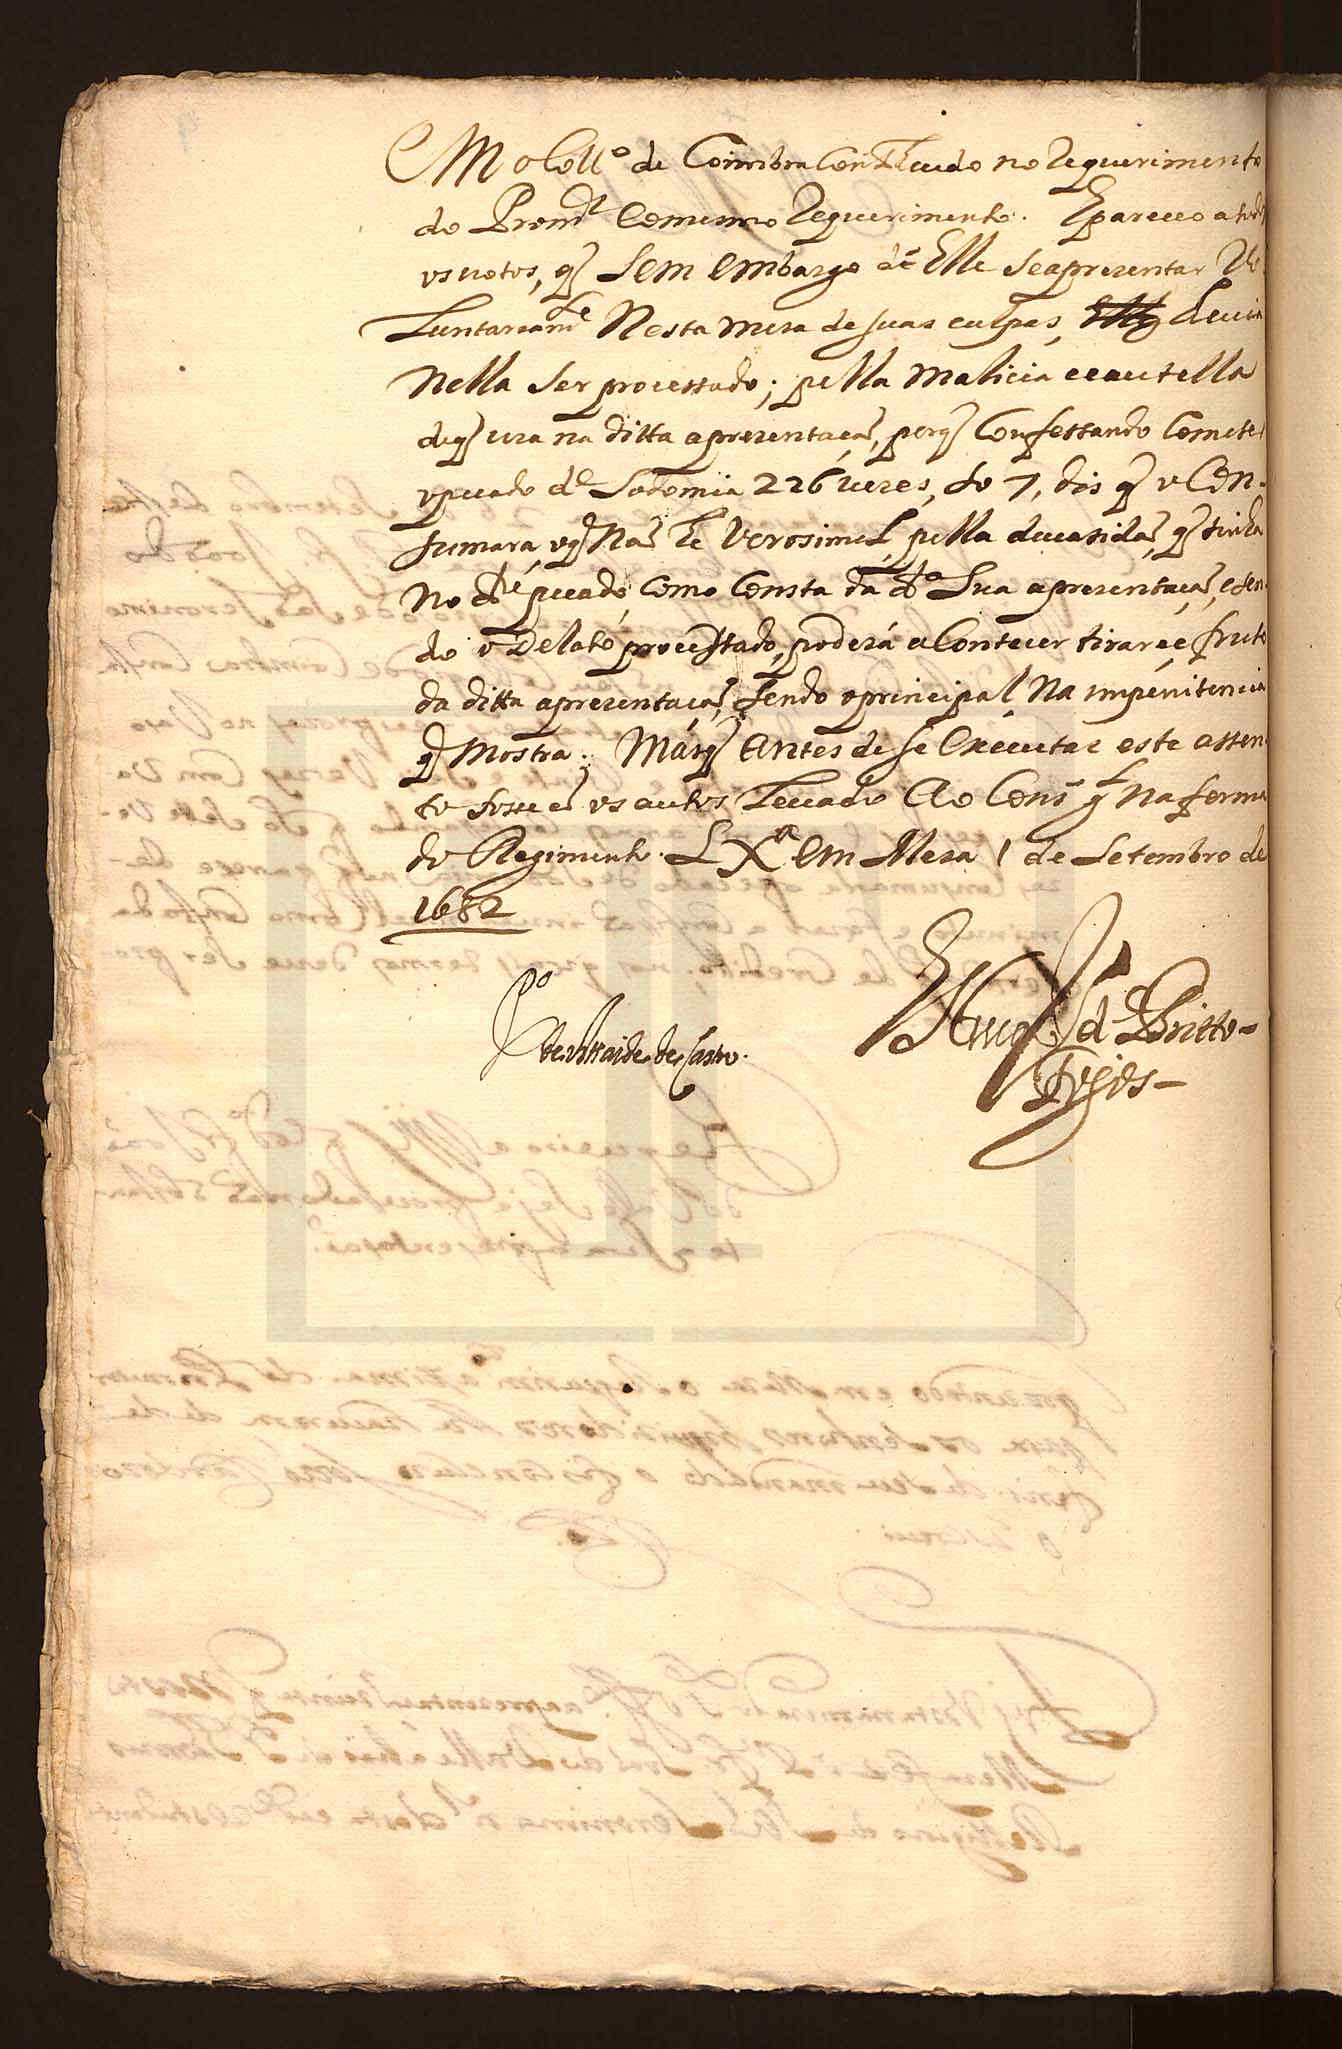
EM o Collo de Coimbra contheudo no Requerimento
do Promor e o mesmo Requerimento. E pareceo a todos
os uotos, q̄ Sem embargo de elle se aprezentar Vo
Luntariamte Nesta mesa de suas culpas, Ell_ deuia
Nella ser processado; pella malicia e cautella
de q̄ uza na ditta aprezentaçaõ, porq̄ Confessando Cometer
o pecado de Sodomia 226 uezes, so 7, dis q̄ o Con
sumara, o q̄ Naõ he Verosimel, pella deuasidā, q̄ tinha
no do pecado, como consta da d̄a Sua aprezentaçaõ, e sen
do o Delato processado, poderá aContecer tirarce fruto
da ditta aprezentaçaõ, sendo o principal, Na impenitencia
q̄ mostra; Mas q̄ antes de se executar este assen
to fosse cō os autos Leuado Ao Conso gl na forma
do Regimento. LXa em Meza 1 de Setembro de
1682
Esteuaõ de Britto -
Fojos -
Po de Attaide de Castro.
